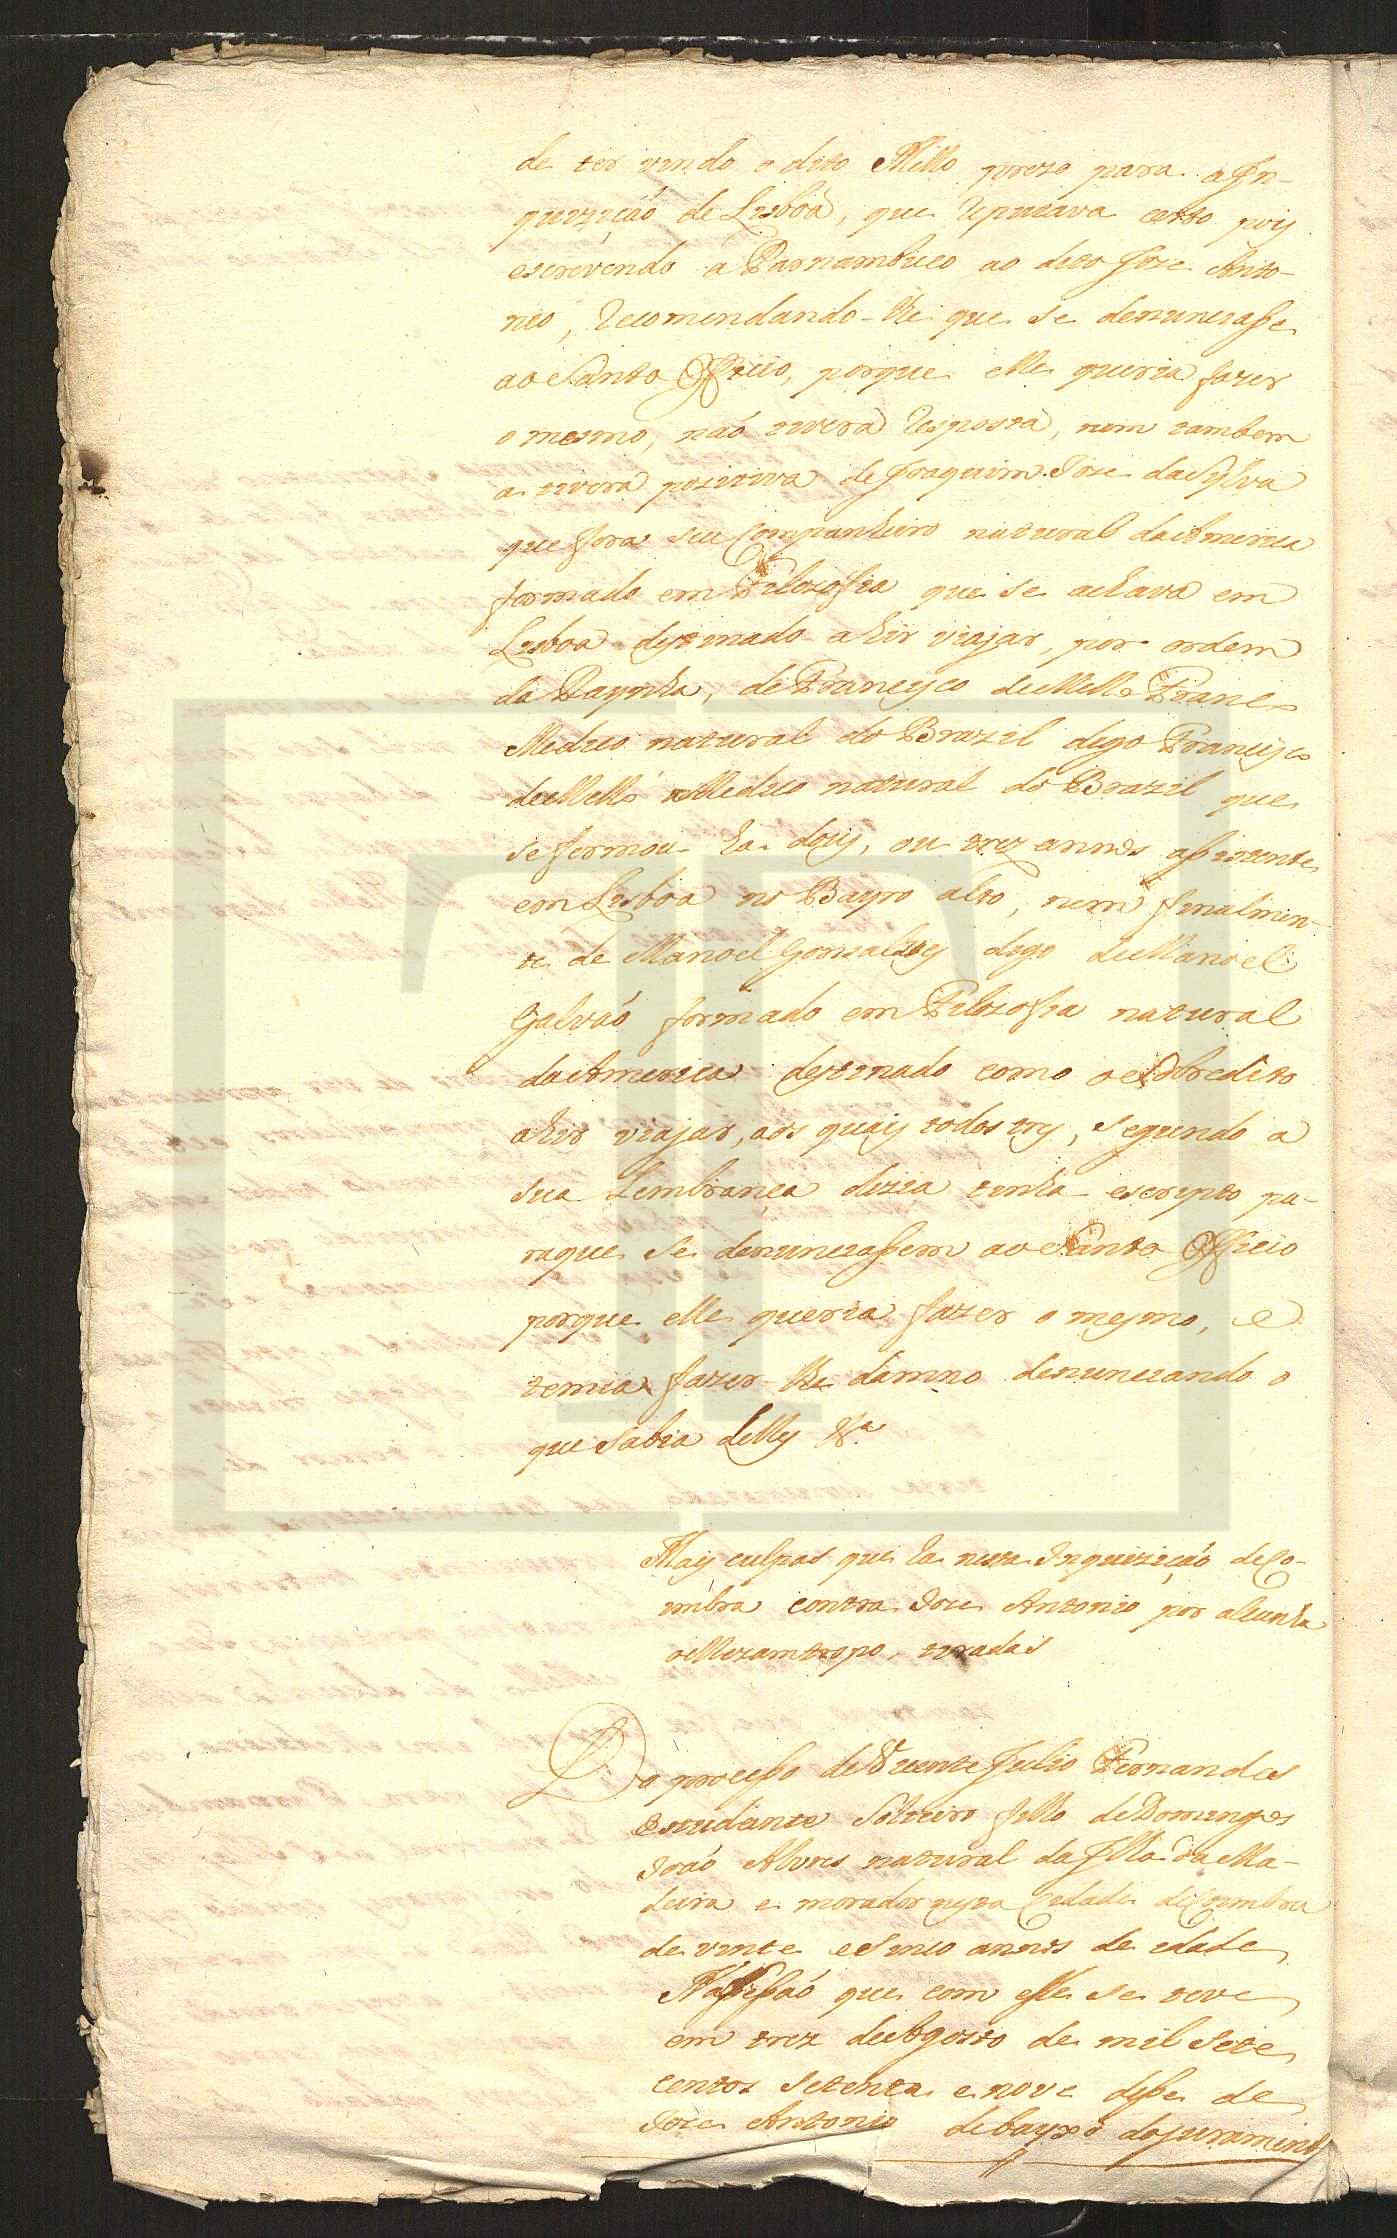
de ter vindo o dito Mello prezo para a Jn
quiziçaõ de Lisboa, que Reputava certo pois
escrevendo a Parnambuco ao dito Joze Anto
nio, Recomendando-lhe que se denunciasse
ao Santo Officio, porque elle queria fazer
o mesmo, naõ tivera Resposta, nem tambem
a tivera por viuva de Joaquim Ioze da Sylva
que fora seu Companheiro natural da America
formado em Filozofia que se achava em
Lisboa destinado a hir viajar por ordem
da Raynha, de Francisco de Mello Franco
Medico natural do Brazil digo Francisco
de Mello Medico natural do Brazil e
se formou ha dous, ou tres annos assistente
em Lisboa no Bayro alto, nem finalmen
te de Manoel Gonsalves digo de Manoel
Galvaõ formado em Filozofia natural
da America destinado como o sobredito
a hir viajar, aos quais todos tres, segundo a
sua Lembrança dizia tinha escripto pa
ra que se denunciassem ao Santo Officio
porque elle queria fazer o mesmo, e
temia fazer lhe damno denunciando o
que sabia delles &a.
Mais culpas que ha nesta Inquiziçaõ de Co
imbra contra Ioze Antonio por alcunha
a Mezamtropo, tiradas
Do processo de Vicente Julio Fernandes
estudante solteiro filho de Domingos
Ioaõ Alvres natural da Jlha da Ma
deira e morador nesta Cidade de Coimbra
de vinte e sinco annos de idade
Na sessaõ que com elle se teve
em trez de Agosto de mil sete
centos setenta e nove disse de
Ioze Antonio debayxo do juramento
